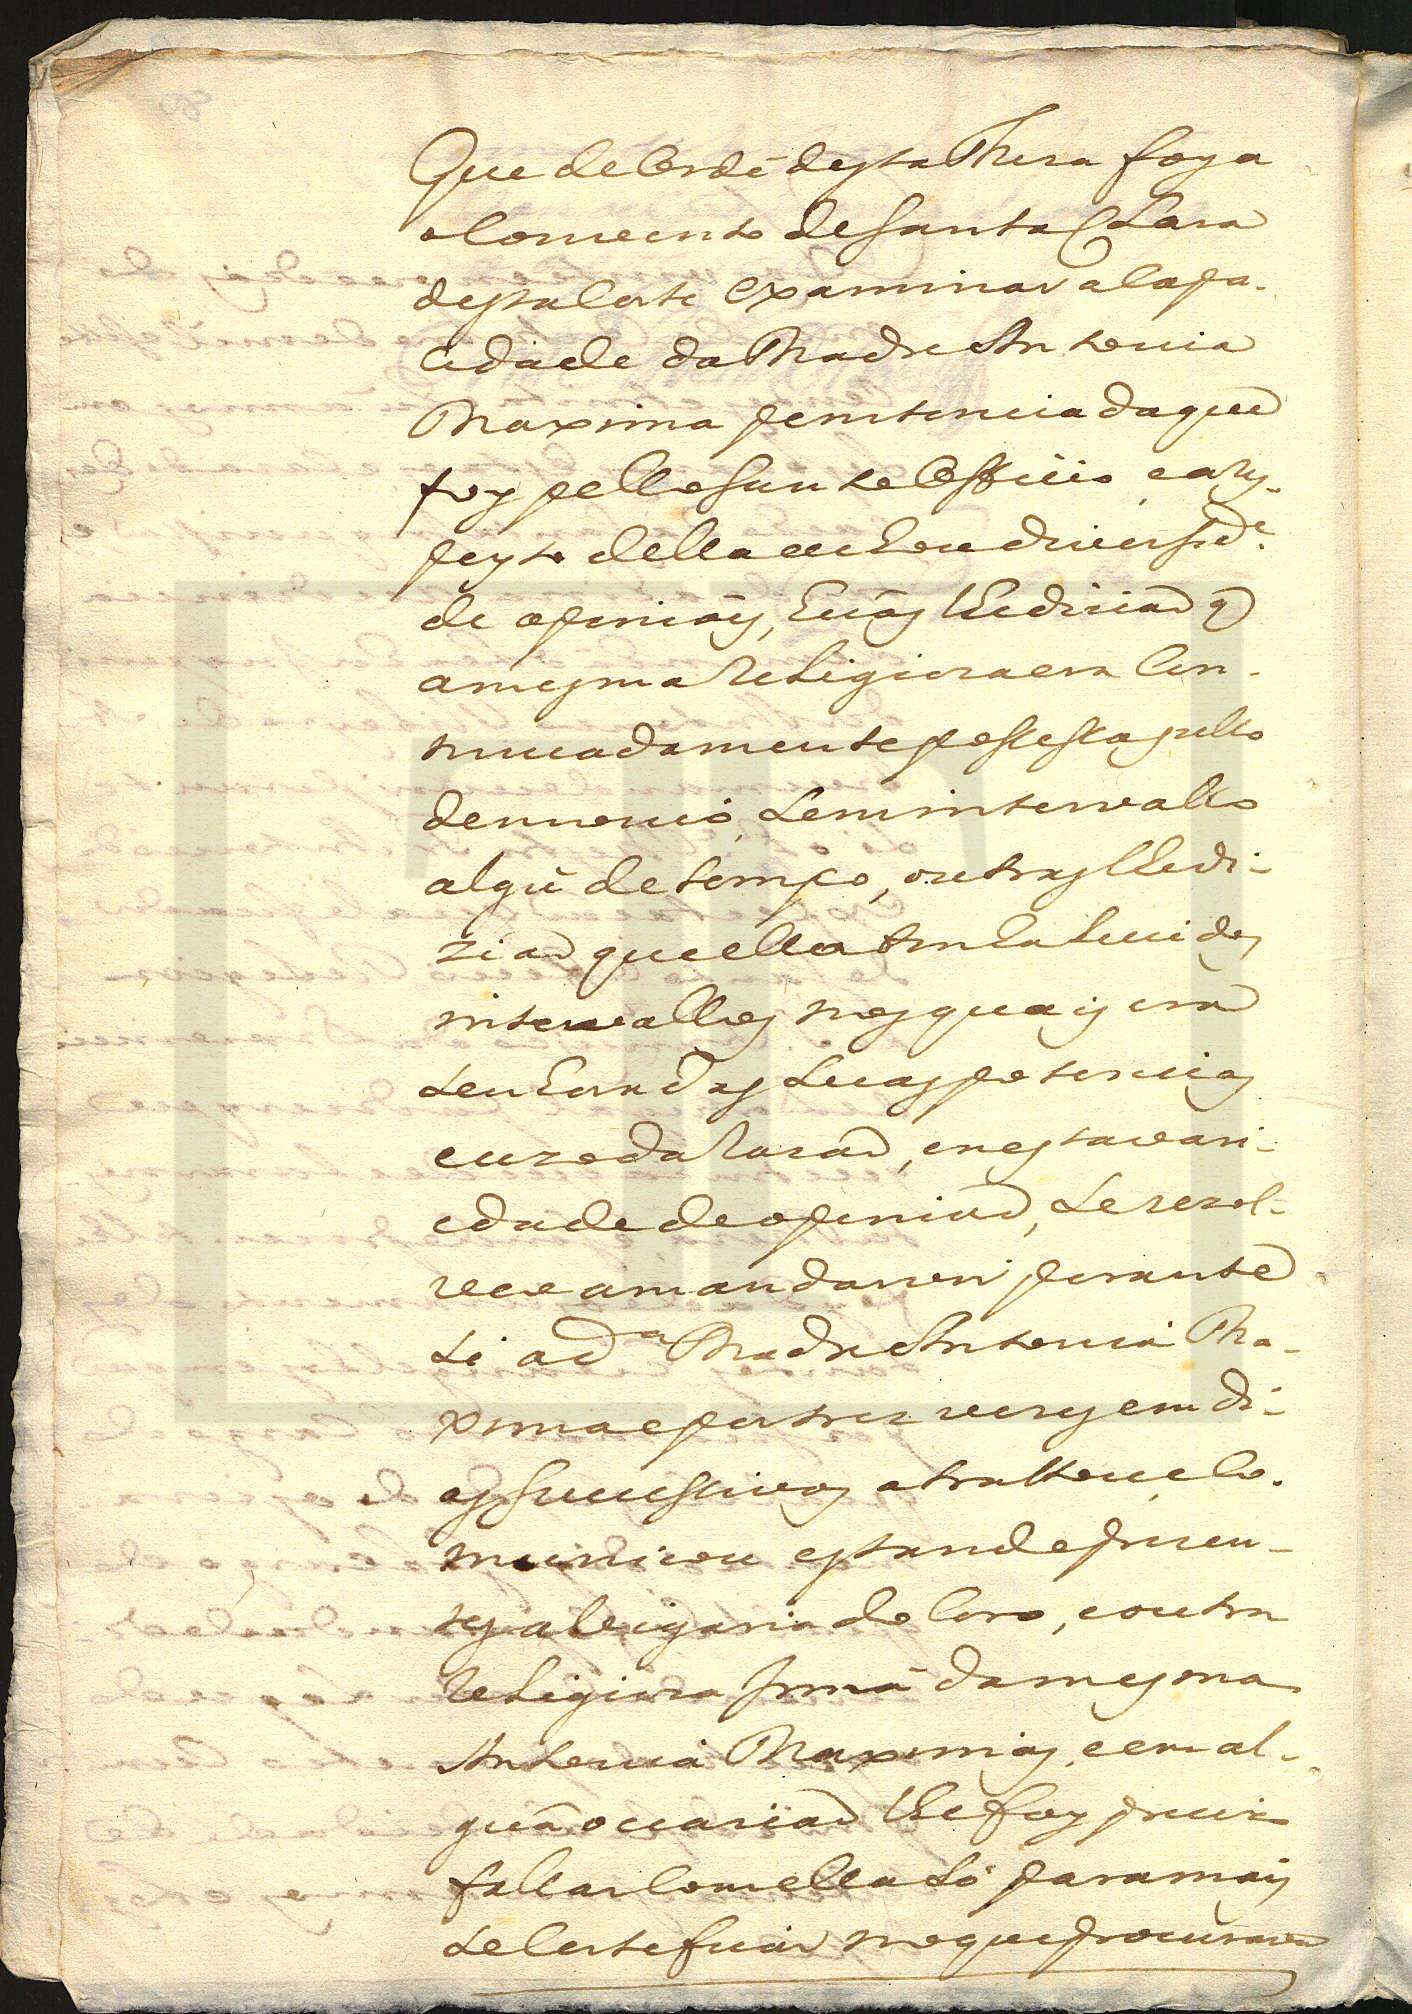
Que de Ordē desta Meza foy a
o Convento de Santa CLara
desta Corte examinar a capa
cidade da Madre Antonia
Maxima penitenciada que
foy pello santo Officio e a res
peyto della achou diversid.e
de openiões, huās lhe diziaõ q̄
a mesma Religioza era Con
tinuadamente possessa pello
demonio, sem intervallo
algū de tempo, outras lhe di
ziaõ que ella tinha lucidos
intervallos nos quais era
senhora das sua potencias
e uzo da Razaõ, e nesta vari
edade de openiaõ, se rezol
veo a mandar vir perante
si a d.a Madre Antonia Ma
xima e por trez vezes em di
as successivos a tractou, e Co
municou estando prezen
tes a Vigaria do Coro, e outra
Religioza Jrmã da mesma
Antonia Maximas, e em al
guā occaziaõ lhe foy precizo
fallar com ella só para mais
se certificar no que procurava
